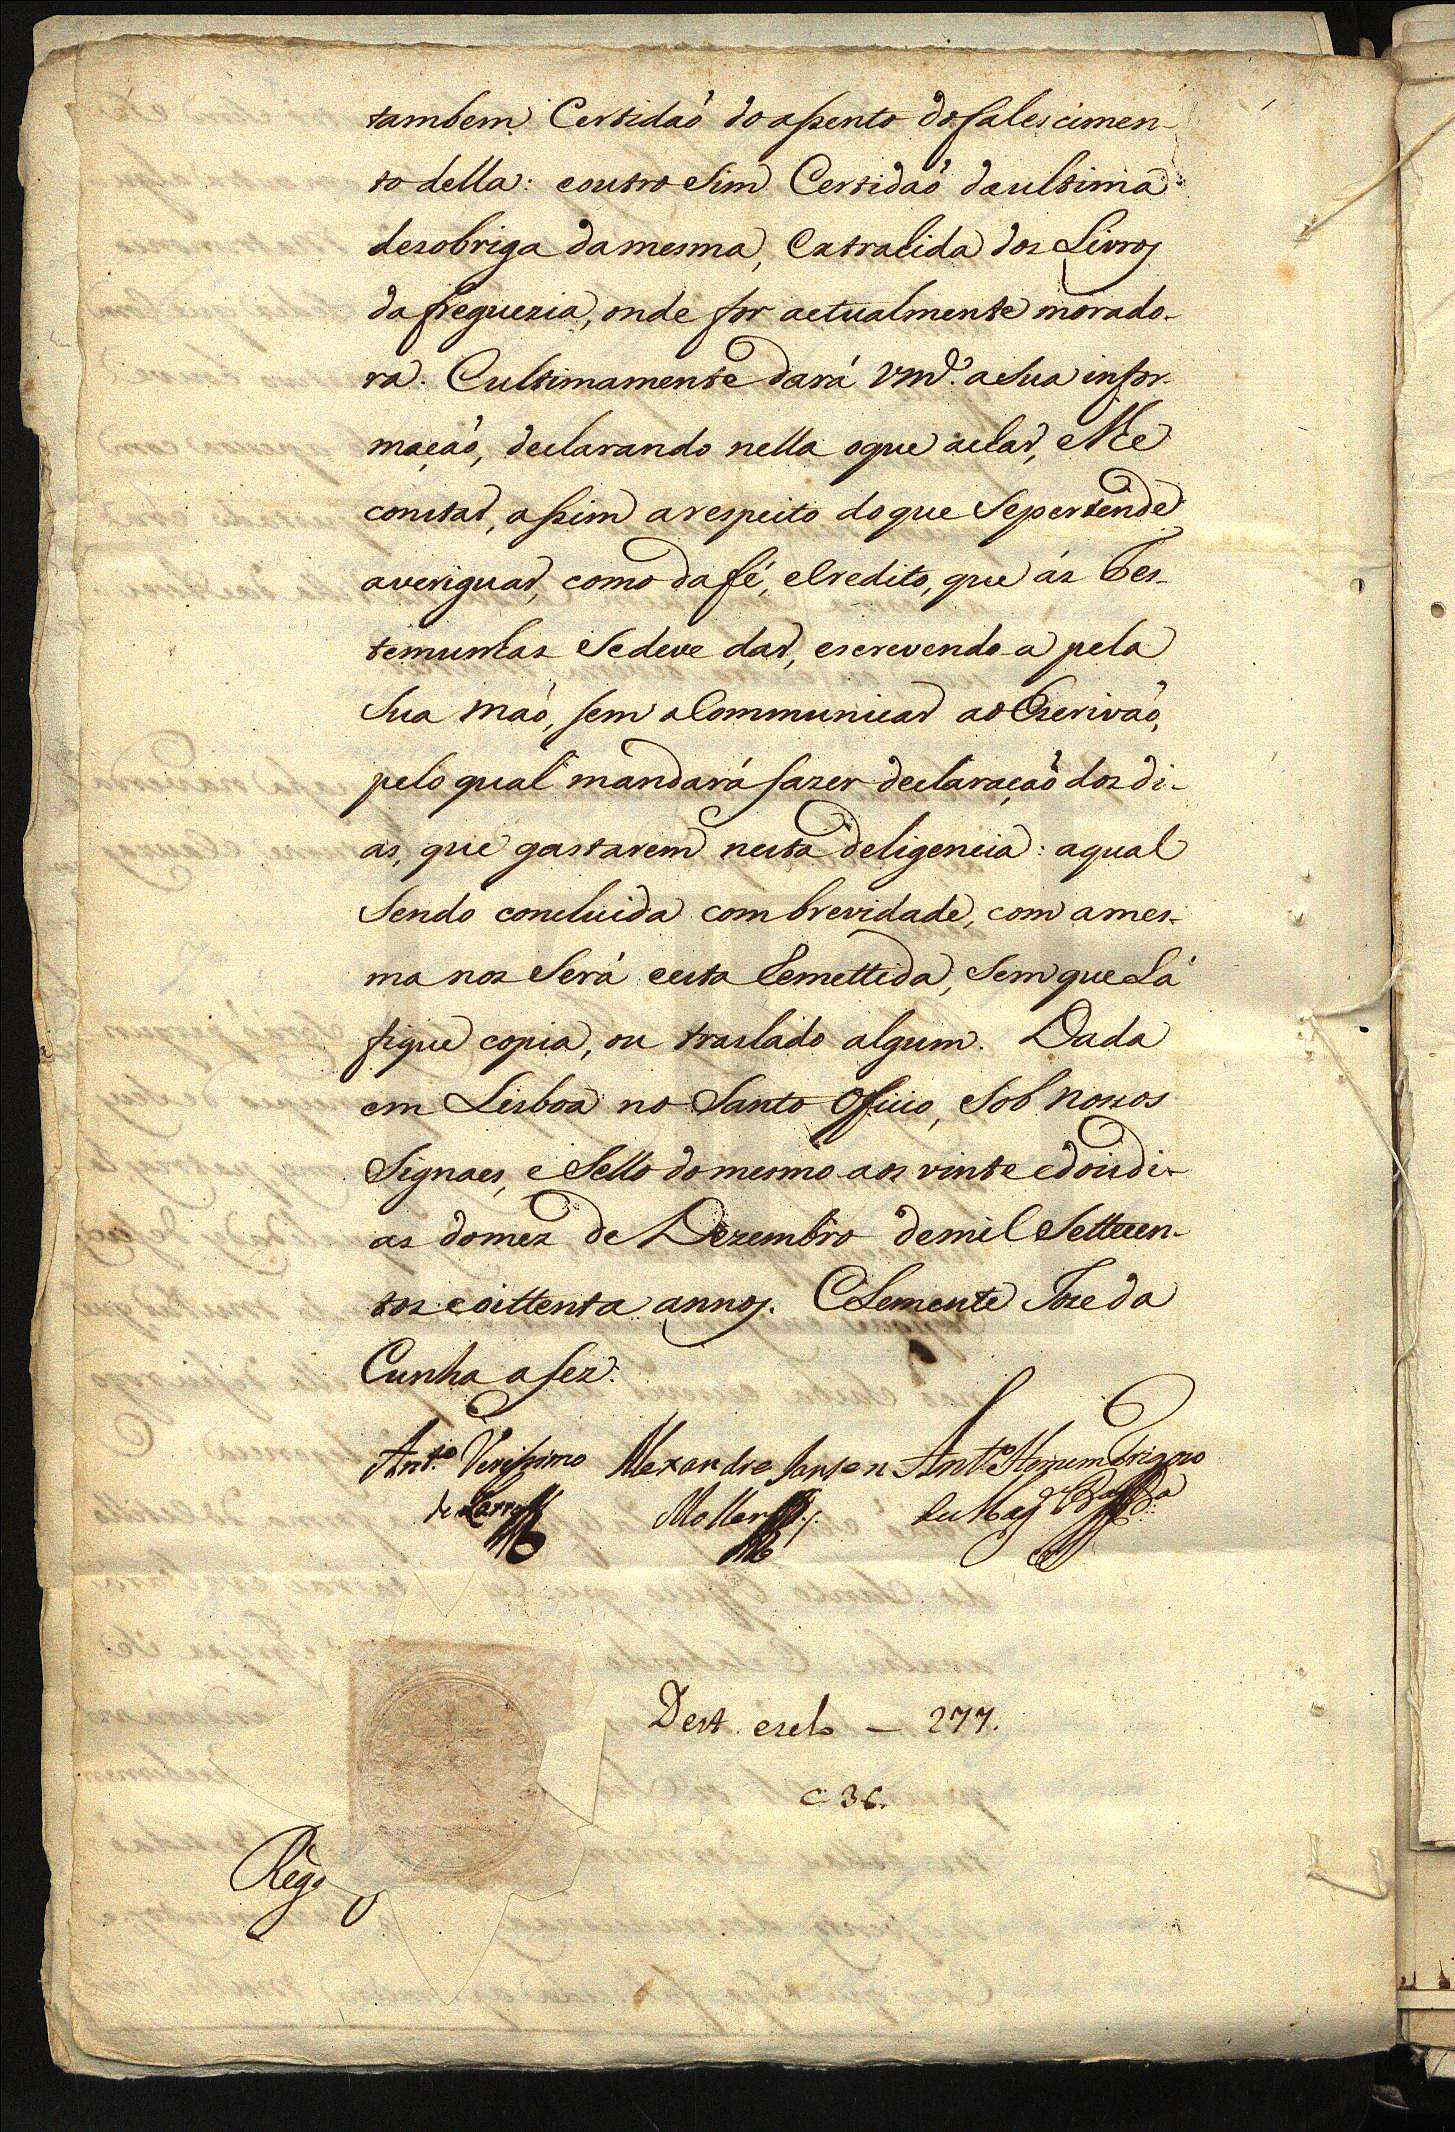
Rego
tambem Certidaõ do assento do falescimen
to della: e outrosim Certidaõ da ultima.
desobriga da mesma, Extrahida dos Livros
da freguezia, onde for actualmente morado
ra. E ultimamente dará v m.e a sua infor
mação, declarando nella o que achar, e lhe
constar, assim a respeito do que se pertende
averiguar, como da fé, e credito, que as Tes
temunhas se deve dar, escrevendo-a pela
Sua maõ, sem a Communicar ao Escrivaõ,
pelo qual mandará fazer declaraçaõ dos di
as, que gastarem nesta deligencia: a qual
Sendo concluida com brevidade, com a mes
ma nos Será e esta Remettida, sem que La
fique copia, ou traslado algum. Dada
em Lisboa no Santo officio, Sob nossos
Signaes, e Sello do mesmo aos vinte e dois di
as do mez de Dezembro de mil Settecen
tos e oittenta annos. CLemente Ioze da
Cunha a fez:
